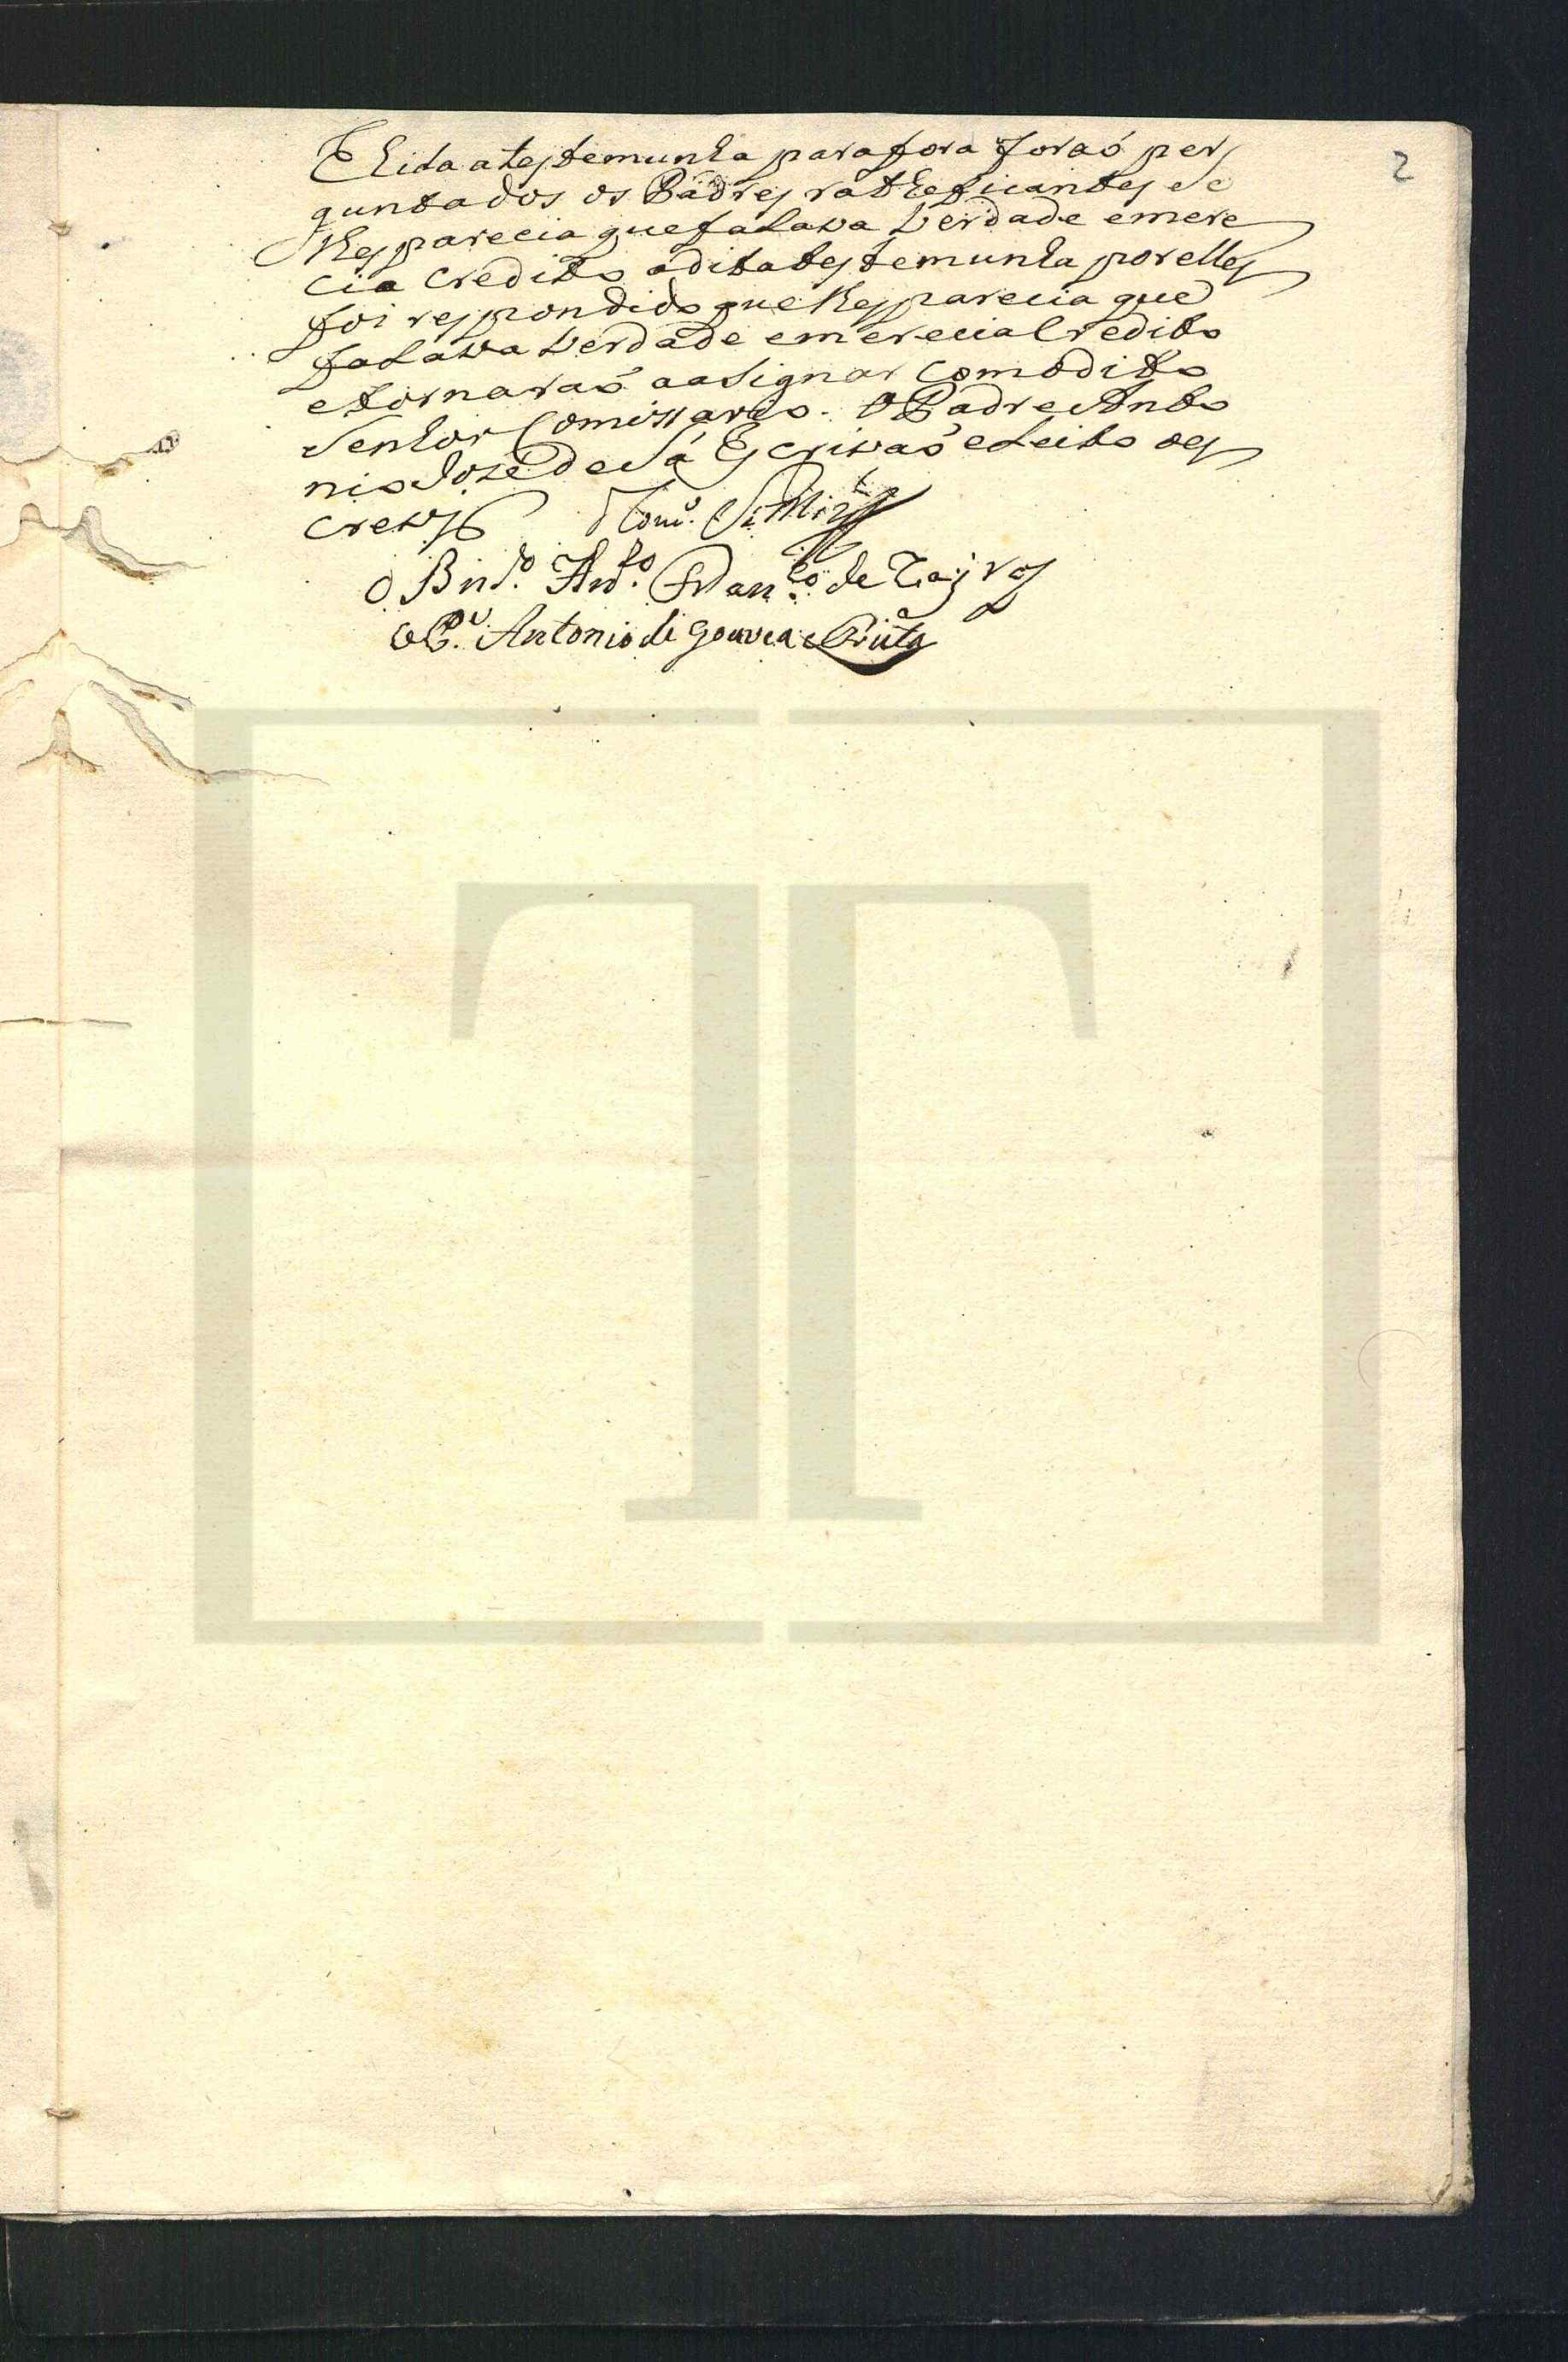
E hida a testemunha para fora foraõ per
guntados os Padres ratheficantes Se
lhes parecia que falava Verdade e mere
cia credito a dita testemunha por elles
foi respondido que lhes parecia que
falava Verdade e merecia Credito
e tornaraõ a asignar com o dito
Senhor Comissario. O Padre Anto
nio Iozé de Sá Escrivaõ eLeito o es
crevj
o Com.o Sá Miz̄
o Bnd.o An.to Fran.co de Cayros
O P.e Antonio de Gouvea e Freitas
